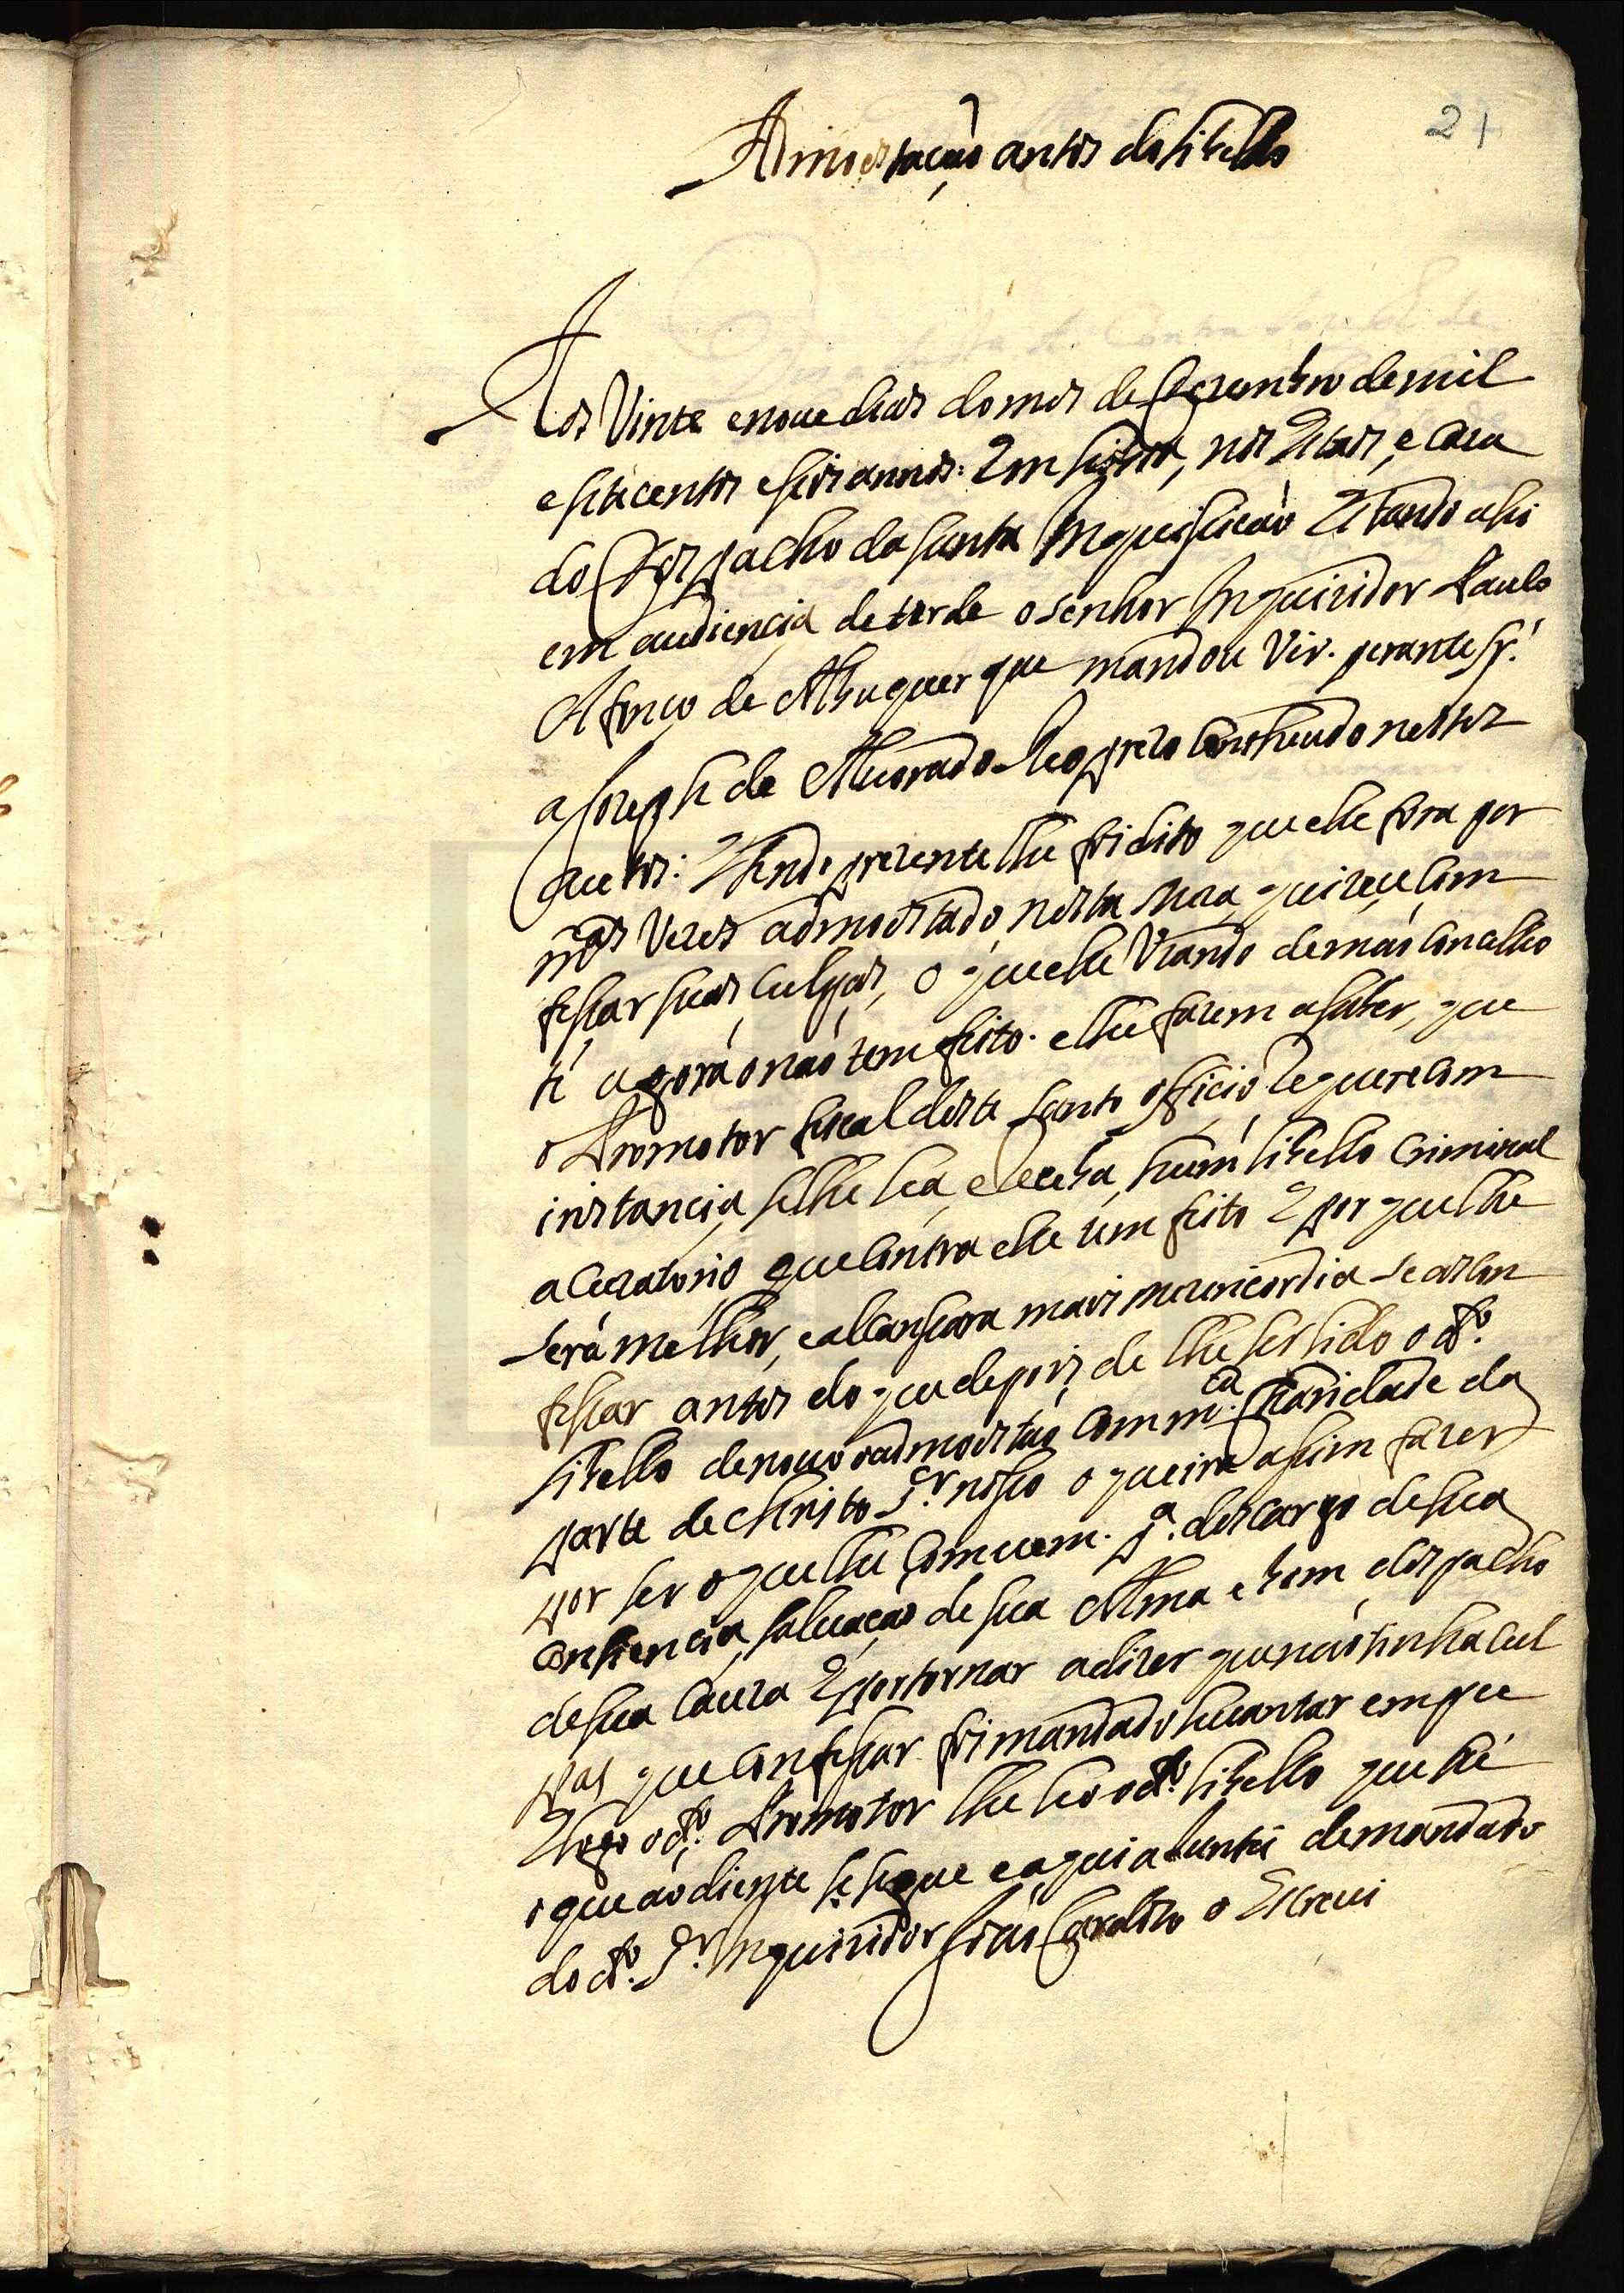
Admoestaçaõ antes do libello
Aos Vinte e noue dias do mes de Dezembro de mil
e setecentos e seis annos. Em lisboa, nos Estaos, e caza
do Despacho da santa Inquissiçaõ estando ahi
em audiencia de tarde o senhor Jnquizidor Paulo
Afonço de Albuquerque mandou vir. perante sy
a Jozeph de Aluarado Reo prezo Contheudo nestez
autos: E sendo prezente lhe foi dito que elle fora por
mtas vezes admoestado nesta Meza quizece Com
fessar suas culpas, o que elle Vzando de maó concelho
té agora o naõ tem feito. e lhe fazem a saber, que
o Promotor fiscal deste santo officio Requere com
instancia se lhe lea e Receba, hum libello criminal
acuzatorio que contra elle tem feito E porque lhe
será melhor, e alcanssara mais mesericordia se as con
fessar antes do que depois de lhe ser lido o d̄.o
libello de nouo o adomoestaõ com mta. Charidade da
parte de christo s.or nosso o queira assim fazer
por ser o que lhe Comuem. p.a descargo de sua
consiencia, saluaçaõ de sua Alma e bom despacho
de sua cauza E por tornar a dizer que naõ tinha cul
pas que confessar foi mandado leuantar em pee
E logo o d.o Promotor lhe leo o do. libello que hé
o que ao diente se segue e aqui aIuntei de mandado
do d̄.o sor. Inquizidor Joaõ Cardozo o Escreui
